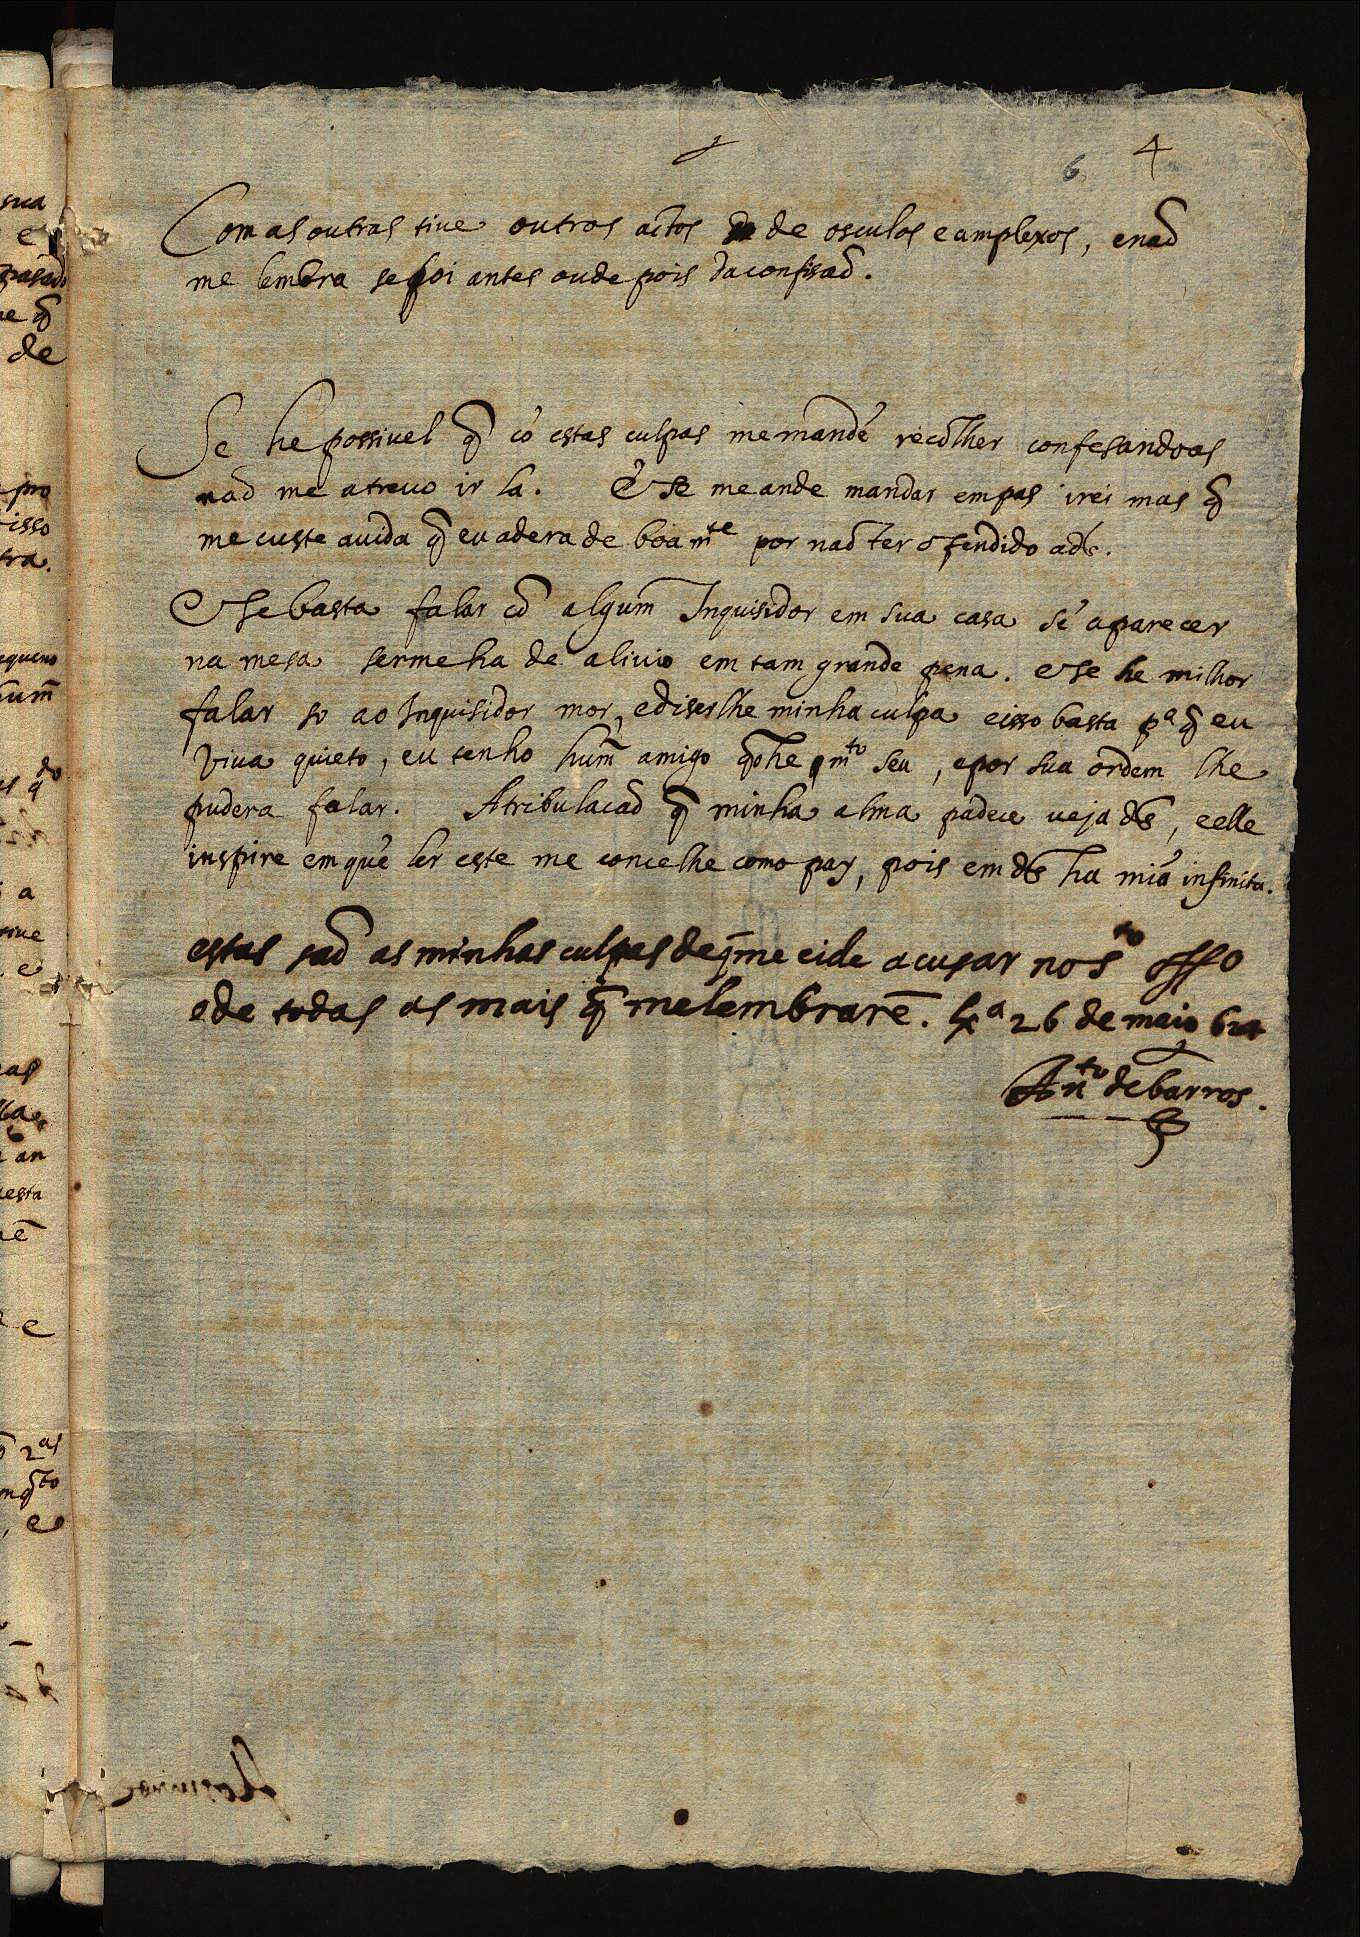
Com as outras tiue outros actos _ de osculos e amplexos, e naõ
me lembra se foi antes ou depois da confisaõ.
Se he possiuel q̄ cō estas culpas me mandē recolher confesandoas
naõ me atreuo ir la. E se me ande mandar em pas irei mas q̄
me custe a uida q̄ eu a dera de boa mte por naõ ter ofendido a ds̄.
E se basta falar cō algum Inquisidor em sua casa sē aparecer
na mesa sermeha de aliuio em tam grande pena. e se he milhor
falar so ao Inquisidor mor, e diserlhe minha culpa, e isso basta pa q̄ eu
viua quieto, eu tenho hum̄ amigo q̄ o he mto seu, e por sua ordem lhe
pudera falar. A tribulaçaõ q̄ minha alma padece ueja ds̄, e elle
inspire em quē ler este me concelhe como pay, pois em ds̄ ha miā infinita.
estas são as minhas culpas de q̄ me eide acusar no sto offo
e de todas as mais q̄ me lembrarē. lxa 26 de maio 624
Anto de barros.
